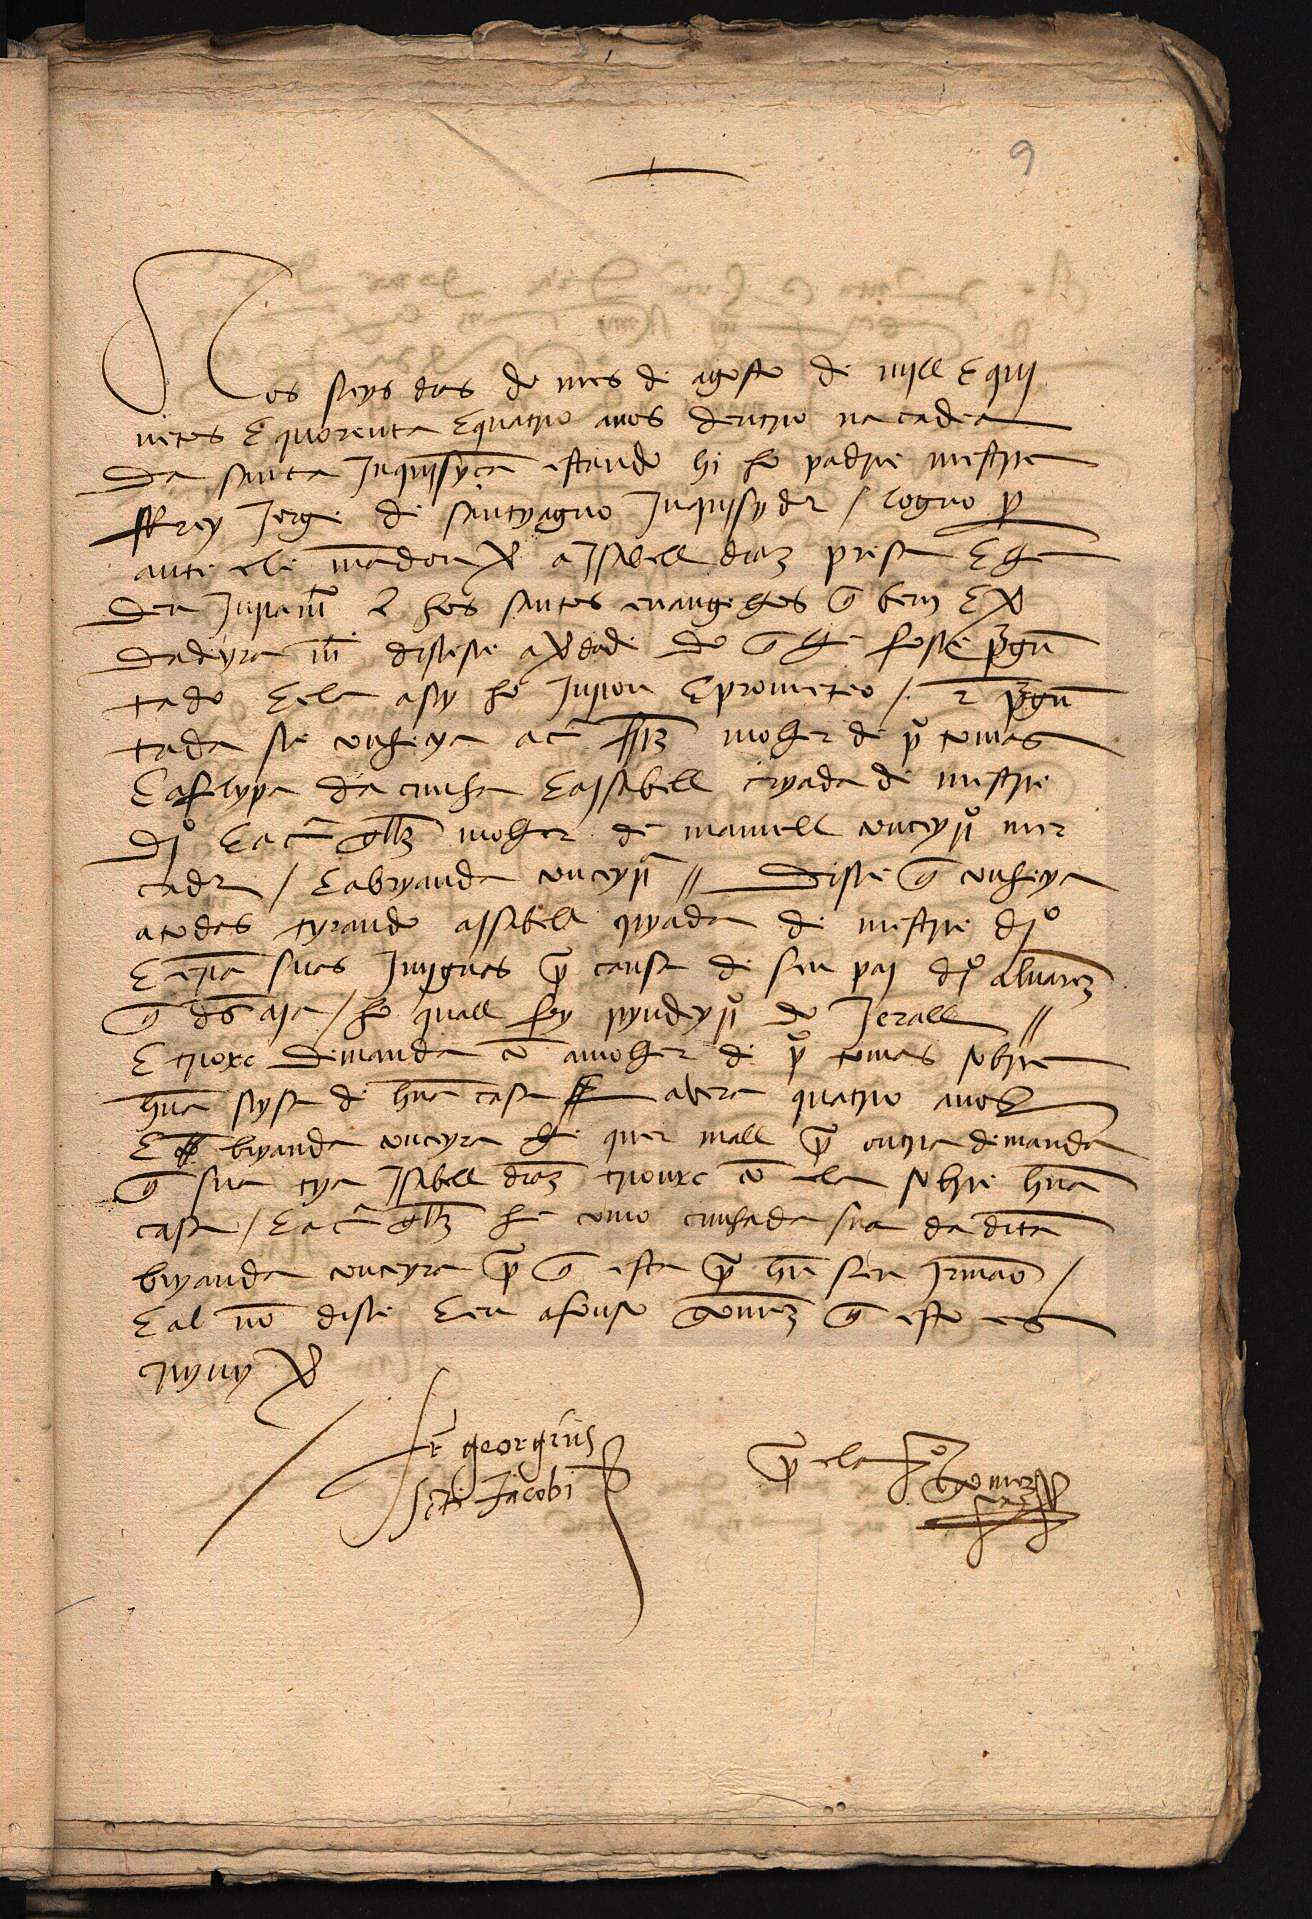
Aos seys dias do mes de agosto de mjll E quj
netos E quorenta E quatro anos dentro na cadea
da santa Jnqūjsyça estando hi ho padre mestre
ffrey Jorge de santyaguo Jnqujsydor / loguo ꝑ
ante ele m̄adou ꝟ a Jsabell diaz presa E lhe
deu Juramto ē hos santos euangelhos q̄ bem E ꝟ
dadeyramte disese a ꝟdade do q̄ lhe fose p̄gū
tado E ela asy ho Jurou E prometeo /. item p̄gū
tada se conhecya a ca f̄rrz molher de po tomas
E a felypa da cunha E a jsabell cryada de mestre
djo E a ca ḡllz molher de manuell couceyro mer
cador / E a bryanda couceyra // dise q̄ conhecya
a todas tyrando a jsabell cryada de mestre djo
E ēra suas Jmjguas p̄o causa de seu paj djo aluarez
q̄ d̄s aja / ho quall foy ryndeyro do Jerall //
E troxe demanda c̄o a molher de po tomas sobre
h̄ua sysa de h̄ua casa E avera quatro anos
E c̄o bryanda couceyra lhe quer mall p̄o outra demanda
q̄ sua tya Jsabell diaz trouxe c̄o ela sobre h̄ua
casa / E a ca ḡllz he como cunhada sua da dita
bryanda couceyra p̄o q̄ esta p̄o h̄u seu Jrmão /
E al n̄o dise E eu afonso gomez q̄ esto es
cryuy
